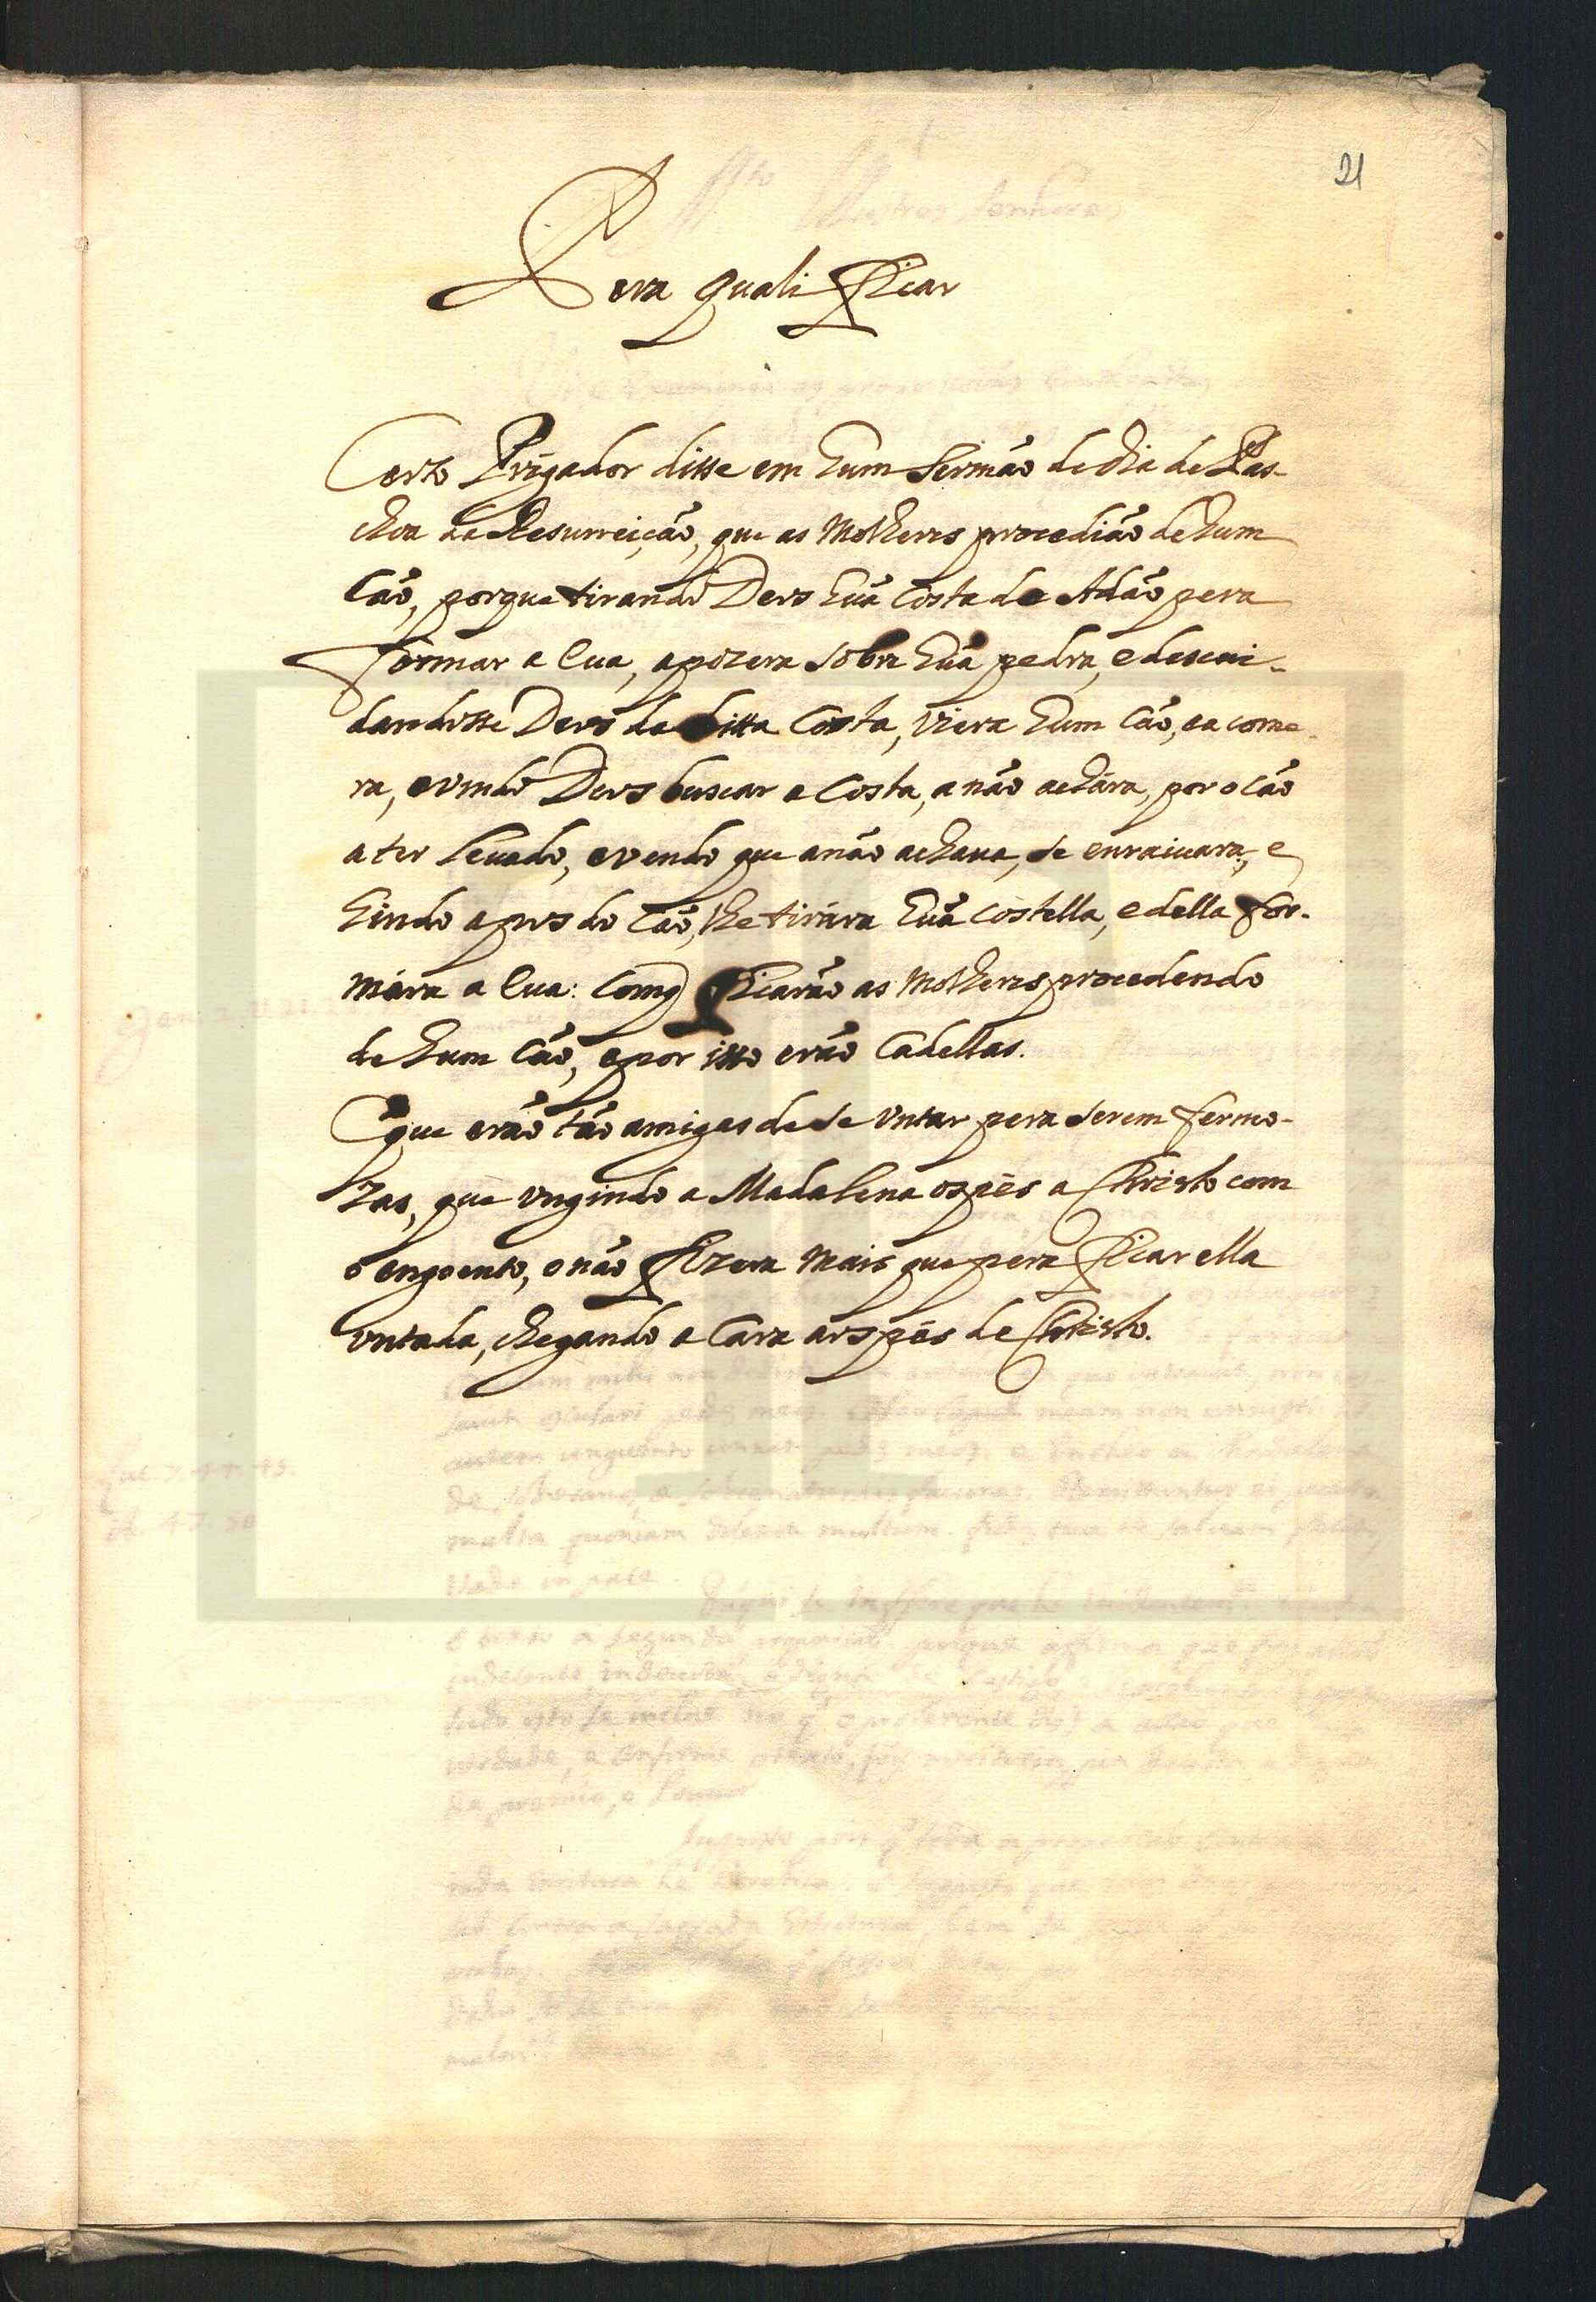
Para qualificar
Certo Pregador disse em hum Sermaõ de dia de Pas
choa da Resurreição, que as molheres procediaõ de hum
caõ, porque tirando Deos huā costa de Adaõ pera
formar a Eua, a pozera sobre huā pedra, e descui
dandosse Deos da ditta Costa, viera hum caõ, e a come
ra, e vindo Deos buscar a Costa, a não achára, por o caõ
a ter leuado, e vendo que a naõ achaua, se enraiuara, e
hindo a pes do caõ, lhe tirára huā costella, e della for
mára a Eua: com q̄ ficaraõ as molheres procedendo
de hum cão, e por isso erão cadellas.
E que eraõ tão amigas de se vntar pera serem fermo
zas, que vngindo a Madalena os pès a Christo com
o engoento, o naõ fizera mais que pera ficar ella
vntada, chegando a Cara aos pés de Christo.
